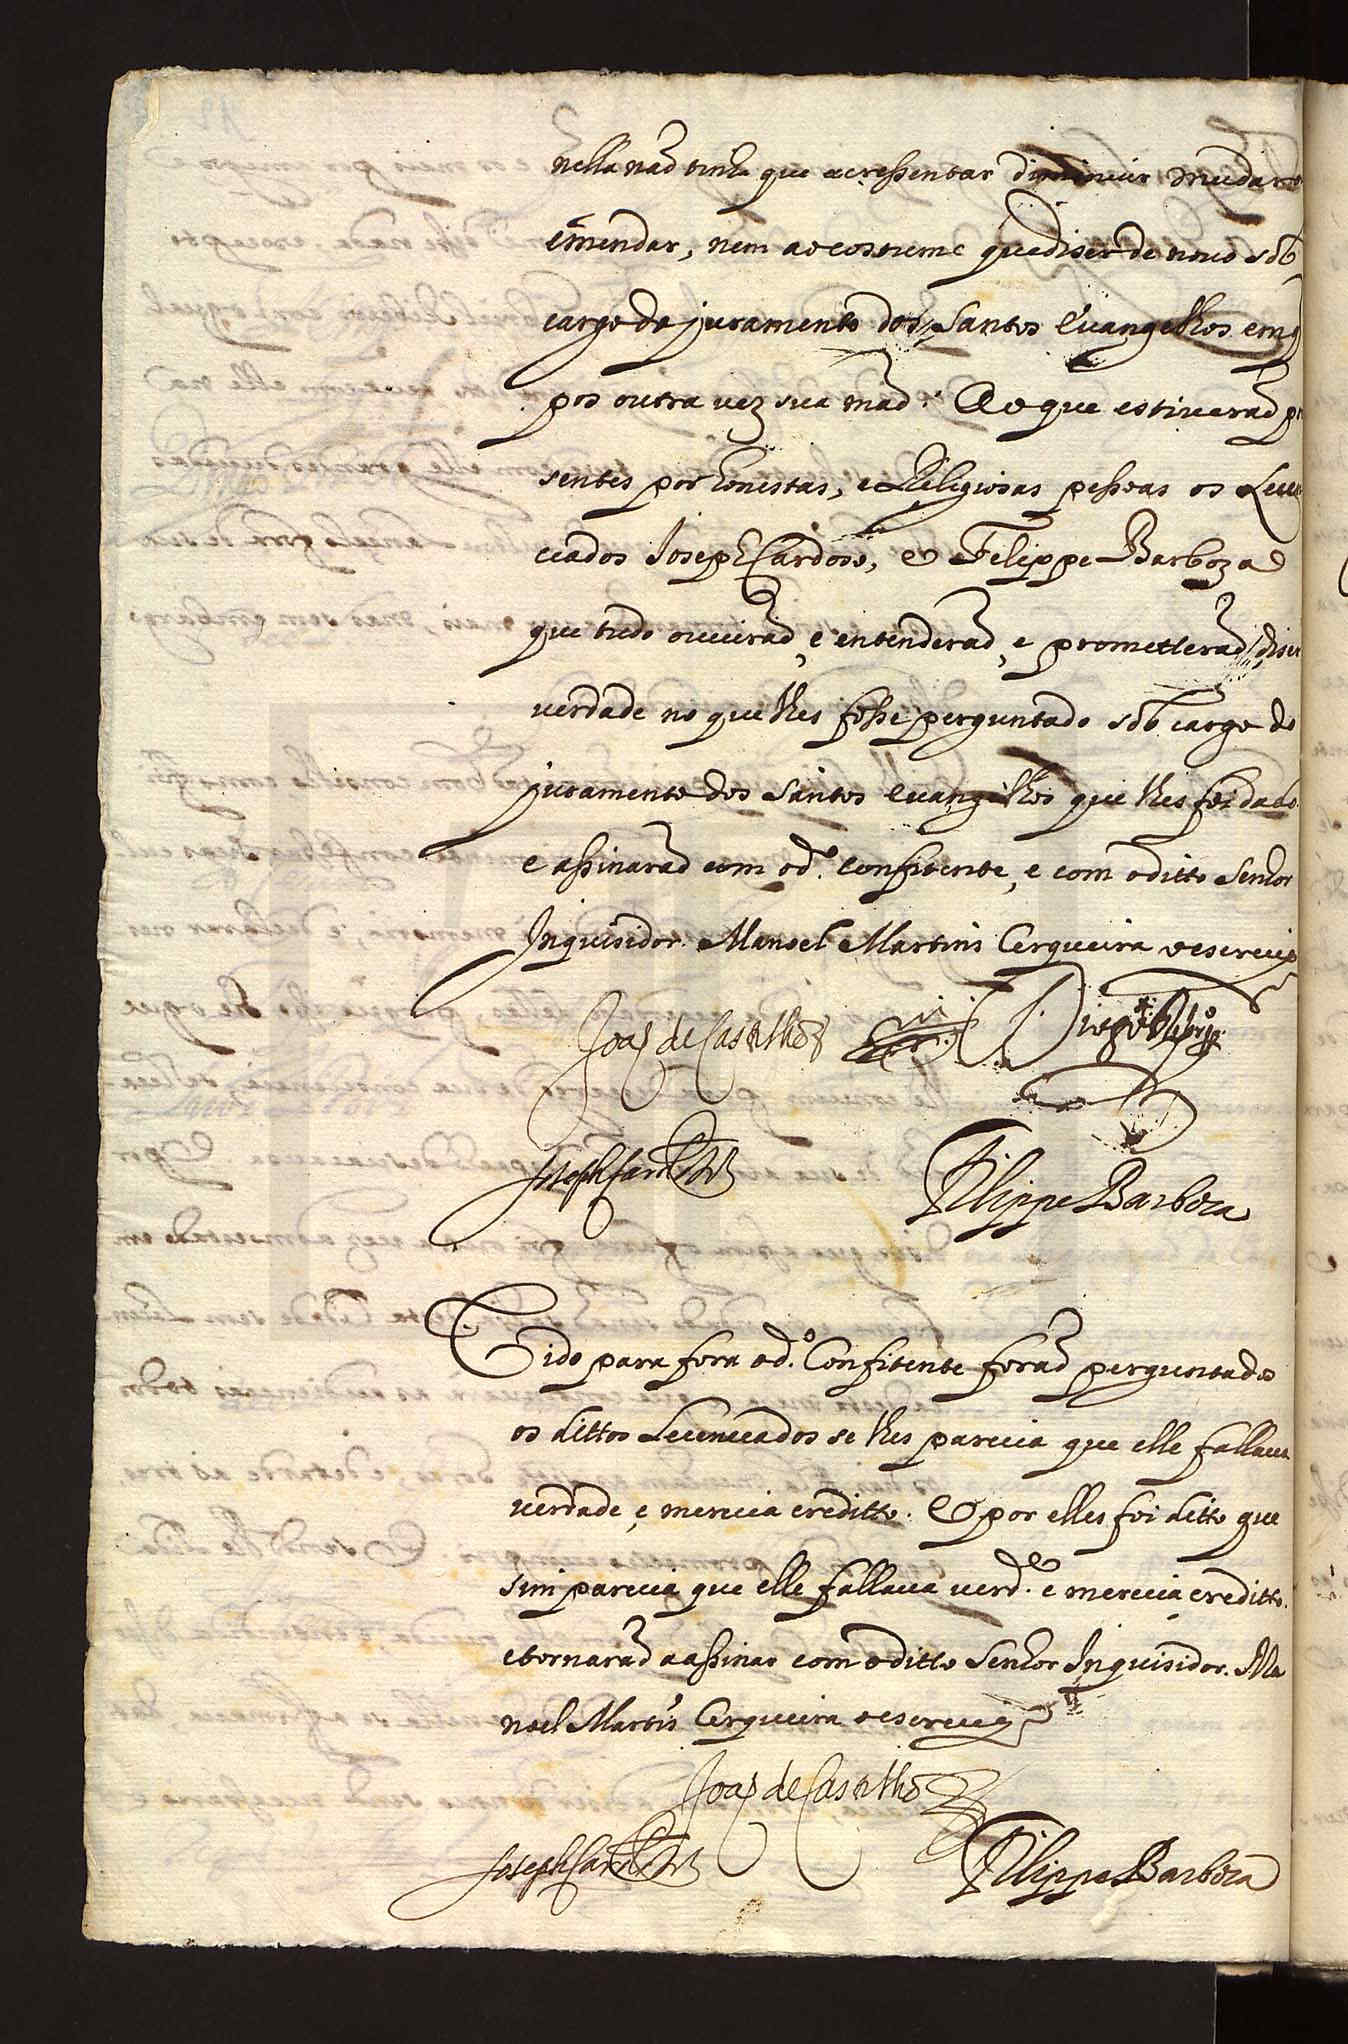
nella naõ tinha que acressentar diminuir mudar _
em̄endar, nem ao costume que diser de nouo e sob
cargo do juramento dos Santos Euangelhos em q̄
pos outra uez sua maõ. Ao que estiueraõ pr_
sentes por honestas, e Religiosas pessoas os Lece_
ceados Joseph Cardoso, e Felippe Barboza
que tudo ouuiraõ e entenderaõ, e prometteraõ diser
uerdade no que lhes fosse perguntado sob cargo do
juramento dos Santos euangelhos que lhes foi dado
e assinaraõ com o d.o confitente, e com o ditto Senhor
Jnquisidor Manoel Martins Cerqueira o escreuj
E ido para fora o d.o Confitente foraõ perguntados
os dittos Lecenceados se lhes parecia que elle fallaua
uerdade, e merecia creditto. E por elles foi ditto que
sim parecia que elle fallaua uerd.e e merecia creditto.
e tornaraõ a assinar com o ditto Senhor Inquisidor. Ma
noel Martīs Cerqueira o escreuy
